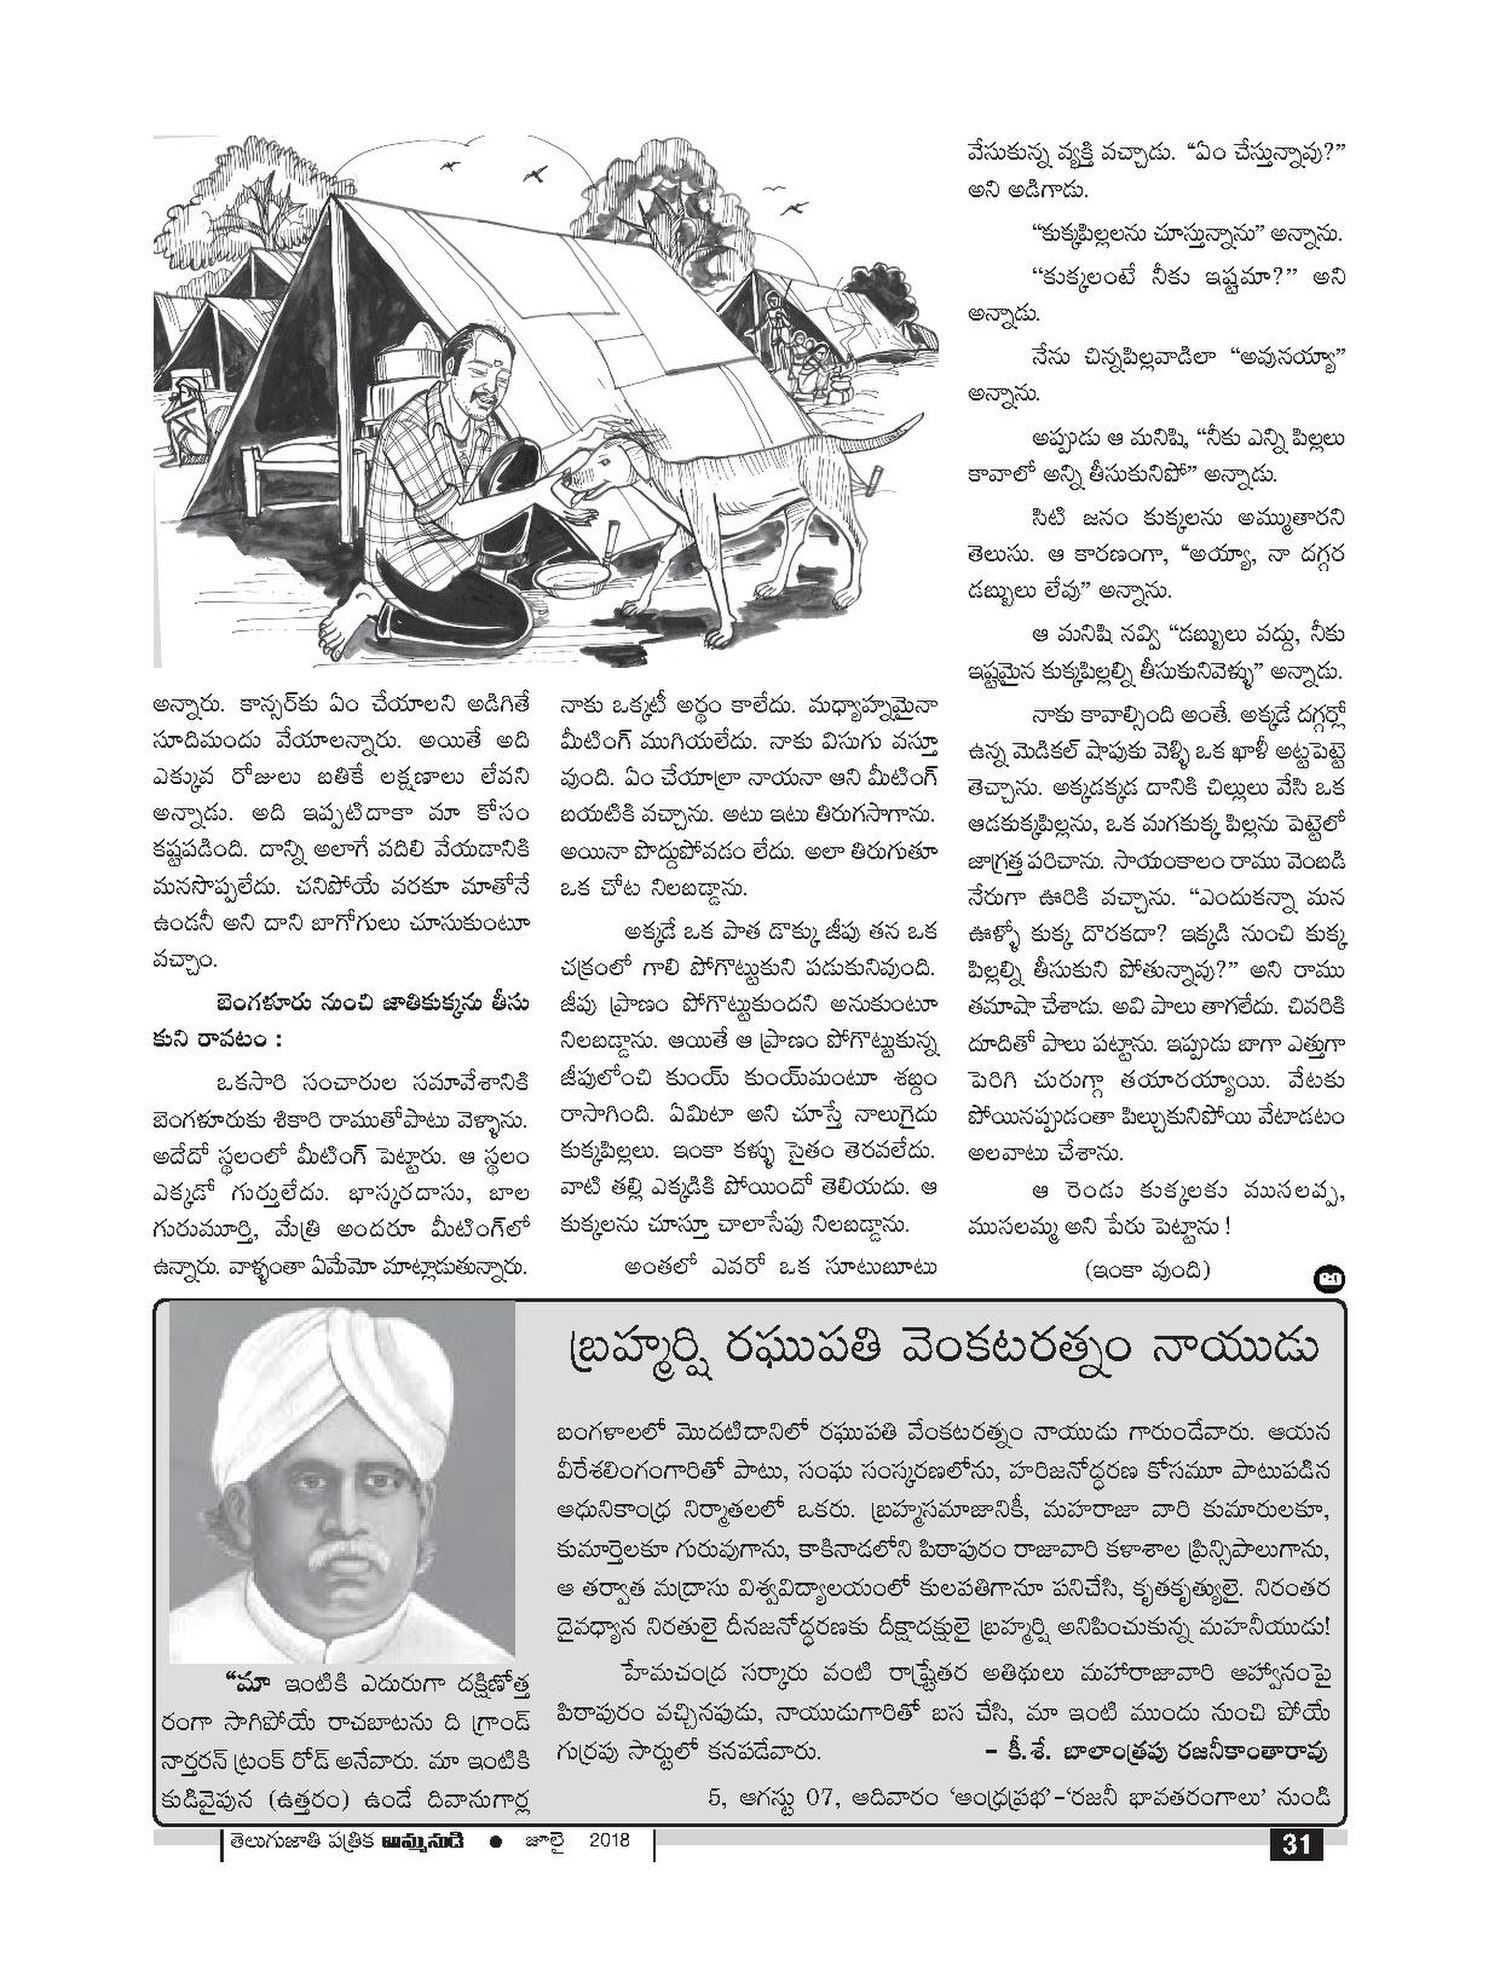అన్నారు. కాన్సర్‌కు ఏం చేయాలని అడిగితే సూదిమందు వేయాలన్నారు. అయితే అది ఎక్కువ రోజులు బతికే లక్షణాలు లేవని అన్నాడు. అది ఇప్పటిదాకా మా కోసం కష్టపడింది. దాన్ని అలాగే వదిలి వేయడానికి మనసొప్పలేదు. చనిపోయే వరకూ మాతోనే ఉండనీ అని దాని బాగోగులు చూసుకుంటూ
వచ్చాం.

బెంగళూరు నుంచి జాతికుక్కను తీసుకుని రావటం :

ఒకసారి సంచారుల సమావేశానికి బెంగళూరుకు శికారి రాముతోపాటు వెళ్ళాను. అదేదో స్థలంలో మీటింగ్‌ పెట్టారు. ఆ స్థలం ఎక్కడో గుర్తులేదు. భాస్కరదాసు, బాల గురుమూర్తి, మేత్రి అందరూ మీటింగ్‌లో ఉన్నారు. వాళ్ళంతా ఏమేమో మాట్లాడుతున్నారు. నాకు ఒక్కటీ అర్ధం కాలేదు. మధ్యాహ్నమైనా మీటింగ్‌ ముగియలేదు. నాకు విసుగు వస్తూ వుంది. ఏం చేయాల్రా నాయనా అని మీటింగ్‌ బయటికి వచ్చాను. అటు ఇటు తిరుగసాగాను. అయినా పొద్దుపోవడం లేదు. అలా తిరుగుతూ ఒక చోట నిలబడ్డాను.

అక్కడే ఒక పాత డొక్కు జీపు తన ఒక చక్రంలో గాలి పోగొట్టుకుని పడుకునివుంది. జీపు ప్రాణం పోగొట్టుకుందని అనుకుంటూ నిలబడ్డాను. అయితే ఆ ప్రాణం పోగొట్టుకున్న జీపులోంచి కుంయ్‌ కుంయ్‌మంటూ శబ్దం రాసాగింది. ఏమిటా అని చూస్తే నాలుగైదు కుక్కపిల్లలు. ఇంకా కళ్ళు సైతం తెరవలేదు. వాటి తల్లి ఎక్కడికి పోయిందో తెలియదు. ఆ కుక్కలను చూస్తూ చాలాసేపు నిలబడ్డాను.

అంతలో ఎవరో ఒక సూటుబూటు వేసుకున్న వ్యక్తి వచ్చాడు. “ఏం చేస్తున్నావు?” అని అడిగాడు.

“కుక్కపిల్లలను చూస్తున్నాను” అన్నాను.

“కుక్కలంటే నీకు ఇష్టమా?” అని అన్నాడు.

నేను చిన్నపిల్లవాడిలా “అవునయ్యా” అన్నాను.

అప్పుడు ఆ మనిషి “నీకు ఎన్ని పిల్లలు కావాలో అన్ని తీసుకునిపో" అన్నాడు.

సిటి జనం కుక్కలను అమ్ముతారని తెలుసు. ఆ కారణంగా, “అయ్యా, నా దగ్గర డబ్బులు లేవు” అన్నాను.

ఆ మనిషి నవ్వి “డబ్బులు వద్దు, నీకు ఇష్టమైన కుక్కపిల్లల్ని తీసుకునివెళ్ళు” అన్నాడు.

నాకు కావాల్సింది అంతే. అక్కడే దగ్గర్లో ఉన్న మెడికల్‌ షాపుకు వెళ్ళి ఒక ఖాళీ అట్టపెట్టె తెచ్చాను. అక్కడక్కడ దానికి చిల్లులు వేసి ఒక ఆడకుక్కపిల్లను, ఒక మగకుక్క పిల్లను పెట్టెలో జాగ్రత్త పరిచాను. సాయంకాలం రాము వెంబడి నేరుగా ఊరికి వచ్చాను. “ఎందుకన్నా మన ఊళ్ళో కుక్క దొరకదా? ఇక్కడి నుంచి కుక్క పిల్లల్ని తీసుకుని పోతున్నావు?” అని రాము తమాషా చేశాడు. అవి పాలు తాగలేదు. చివరికి దూదితో పాలు పట్టాను. ఇప్పుడు బాగా ఎత్తుగా పెరిగి చురుగ్గా తయారయ్యాయి. వేటకు
పోయినప్పుడంతా పిల్చుకునిపోయి వేటాడటం అలవాటు చేశాను.

ఆ రెండు కుక్కలకు ముసలప్ప, ముసలమ్మ అని పేరు పెట్టాను !

(ఇంకా వుంది) 

బ్రహ్మర్షి రఘుపతి వెంకటరత్నం నాయుడు

“మా ఇంటికి ఎదురుగా దక్షిణోత్తరంగా సాగిపోయే రాచబాటను ది గ్రాండ్‌ నార్తరన్‌ ట్రంక్‌ రోడ్‌ అనేవారు. మా ఇంటికి కుడివైపున (ఉత్తరం) ఉండే దివానుగార్ల బంగళాలలో మొదటిదానిలో రఘుపతి వేంకటరత్నం నాయుడు గారుండేవారు. ఆయన వీరేశలింగంగారితో పాటు, సంఘ సంస్కరణలోను, హరిజనోద్ధరణ కోసమూ పాటుపడిన ఆధునికాంధ్ర నిర్మాతలలో ఒకరు. బ్రహ్మసమాజానికీ, మహరాజా వారి కుమారులకూ, కుమార్తెలకూ గురువుగాను, కాకినాడలోని పిఠాపురం రాజావారి కళాశాల ప్రిన్సిపాలుగాను, ఆ తర్వాత మద్రాసు విశ్వవిద్యాలయంలో కులపతిగానూ పనిచేసి, కృతకృత్యులై. నిరంతర దైవధ్యాన నిరతులై దీనజనోద్ధరణకు దీక్షాదక్షులై బ్రహ్మర్షి అనిపించుకున్న మహనీయుడు!

హేమచంద్ర సర్కారు వంటి రాష్ట్రేతర అతిథులు మహారాజావారి ఆహ్వానంపై పిఠాపురం వచ్చినపుడు, నాయుడుగారితో బస చేసి, మా ఇంటి ముందు నుంచి పోయే గుర్రపు సార్టులో కనపడేవారు.

5, ఆగస్టు 07, ఆదివారం 'ఆంధ్రప్రభ' - 'రజనీ భావతరంగాలు' నుండి